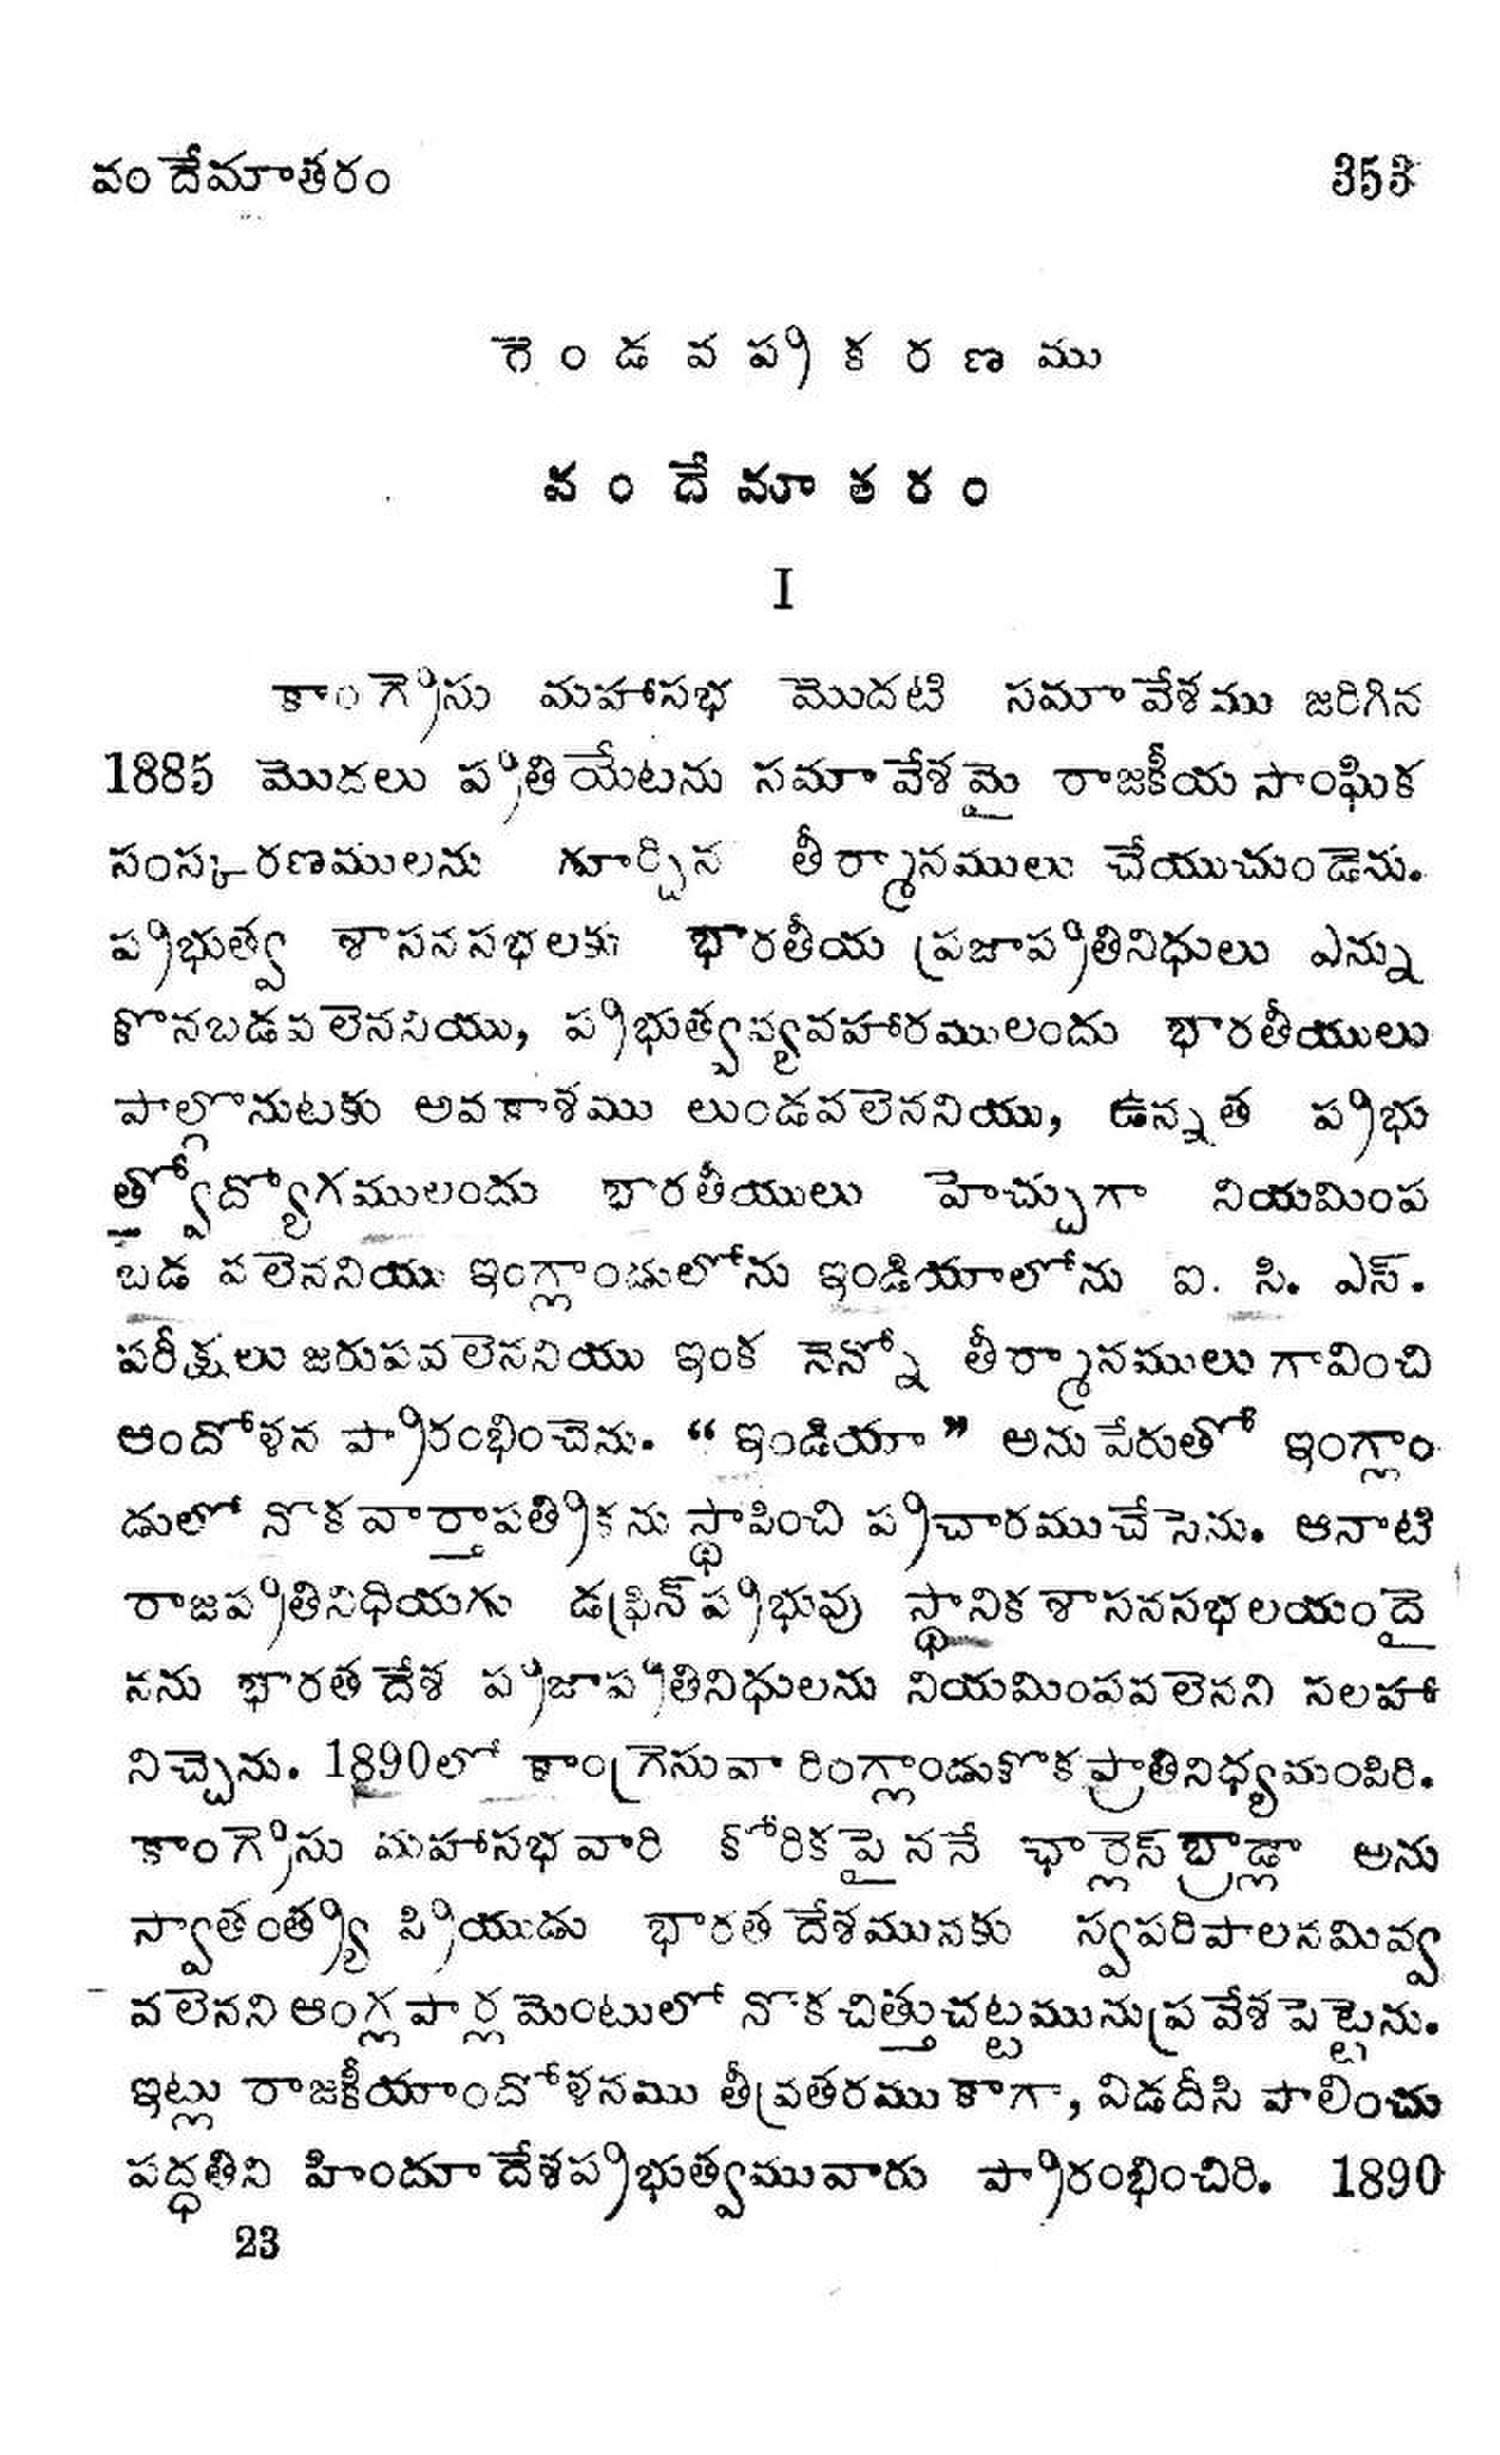రెండవ ప్రకరణము
వందేమాతరం
I

కాంగ్రెసు మహాసభ మొదటి సమావేశము జరిగిన 1885 మొదలు ప్రతియేటను సమావేశమై రాజకీయ సాంఘిక సంస్కరణములను గూర్చిన తీర్మానములు చేయుచుండెను. ప్రభుత్వ శాసనసభలకు భారతీయ ప్రజాప్రతినిధులు ఎన్నుకొనబడవలెననియు, ప్రభుత్వవ్యవహారములందు భారతీయులు పాల్గొనుటకు అవకాశము లుండవలెననియు, ఉన్నత ప్రభుత్వోద్యోగములందు భారతీయులు హెచ్చుగా నియమింపబడ వలెననియు ఇంగ్లాండులోను ఇండియాలోను ఐ. సి. ఎస్. పరీక్షలు జరుపవలెననియు ఇంక నెన్నో తీర్మానములుగావించి ఆందోళన ప్రారంభించెను. “ఇండియా" అనుపేరుతో ఇంగ్లాండులో నొకవార్తాపత్రికనుస్థాపించి ప్రచారముచేసెను. ఆనాటి రాజప్రతినిధియగు డఫ్రిన్‌ప్రభువు స్థానికశాసనసభలయందైనను భారతదేశ ప్రజాప్రతినిధులను నియమింపవలెనని సలహానిచ్చెను. 1890లో కాంగ్రెసువా రింగ్లాండుకొక ప్రాతినిధ్యమంపిరి. కాంగ్రెసు మహాసభవారి కోరికపైననే ఛార్లెస్‌బ్రాడ్లా అను స్వాతంత్ర్య ప్రియుడు భారతదేశమునకు స్వపరిపాలనమివ్వ వలెనని ఆంగ్లపార్లమెంటులో నొక చిత్తుచట్టమును ప్రవేశపెట్టెను. ఇట్లు రాజకీయాందోళనము తీవ్రతరముకాగా, విడదీసి పాలించు పద్దతిని హిందూదేశప్రభుత్వమువారు ప్రారంభించిరి. 1890